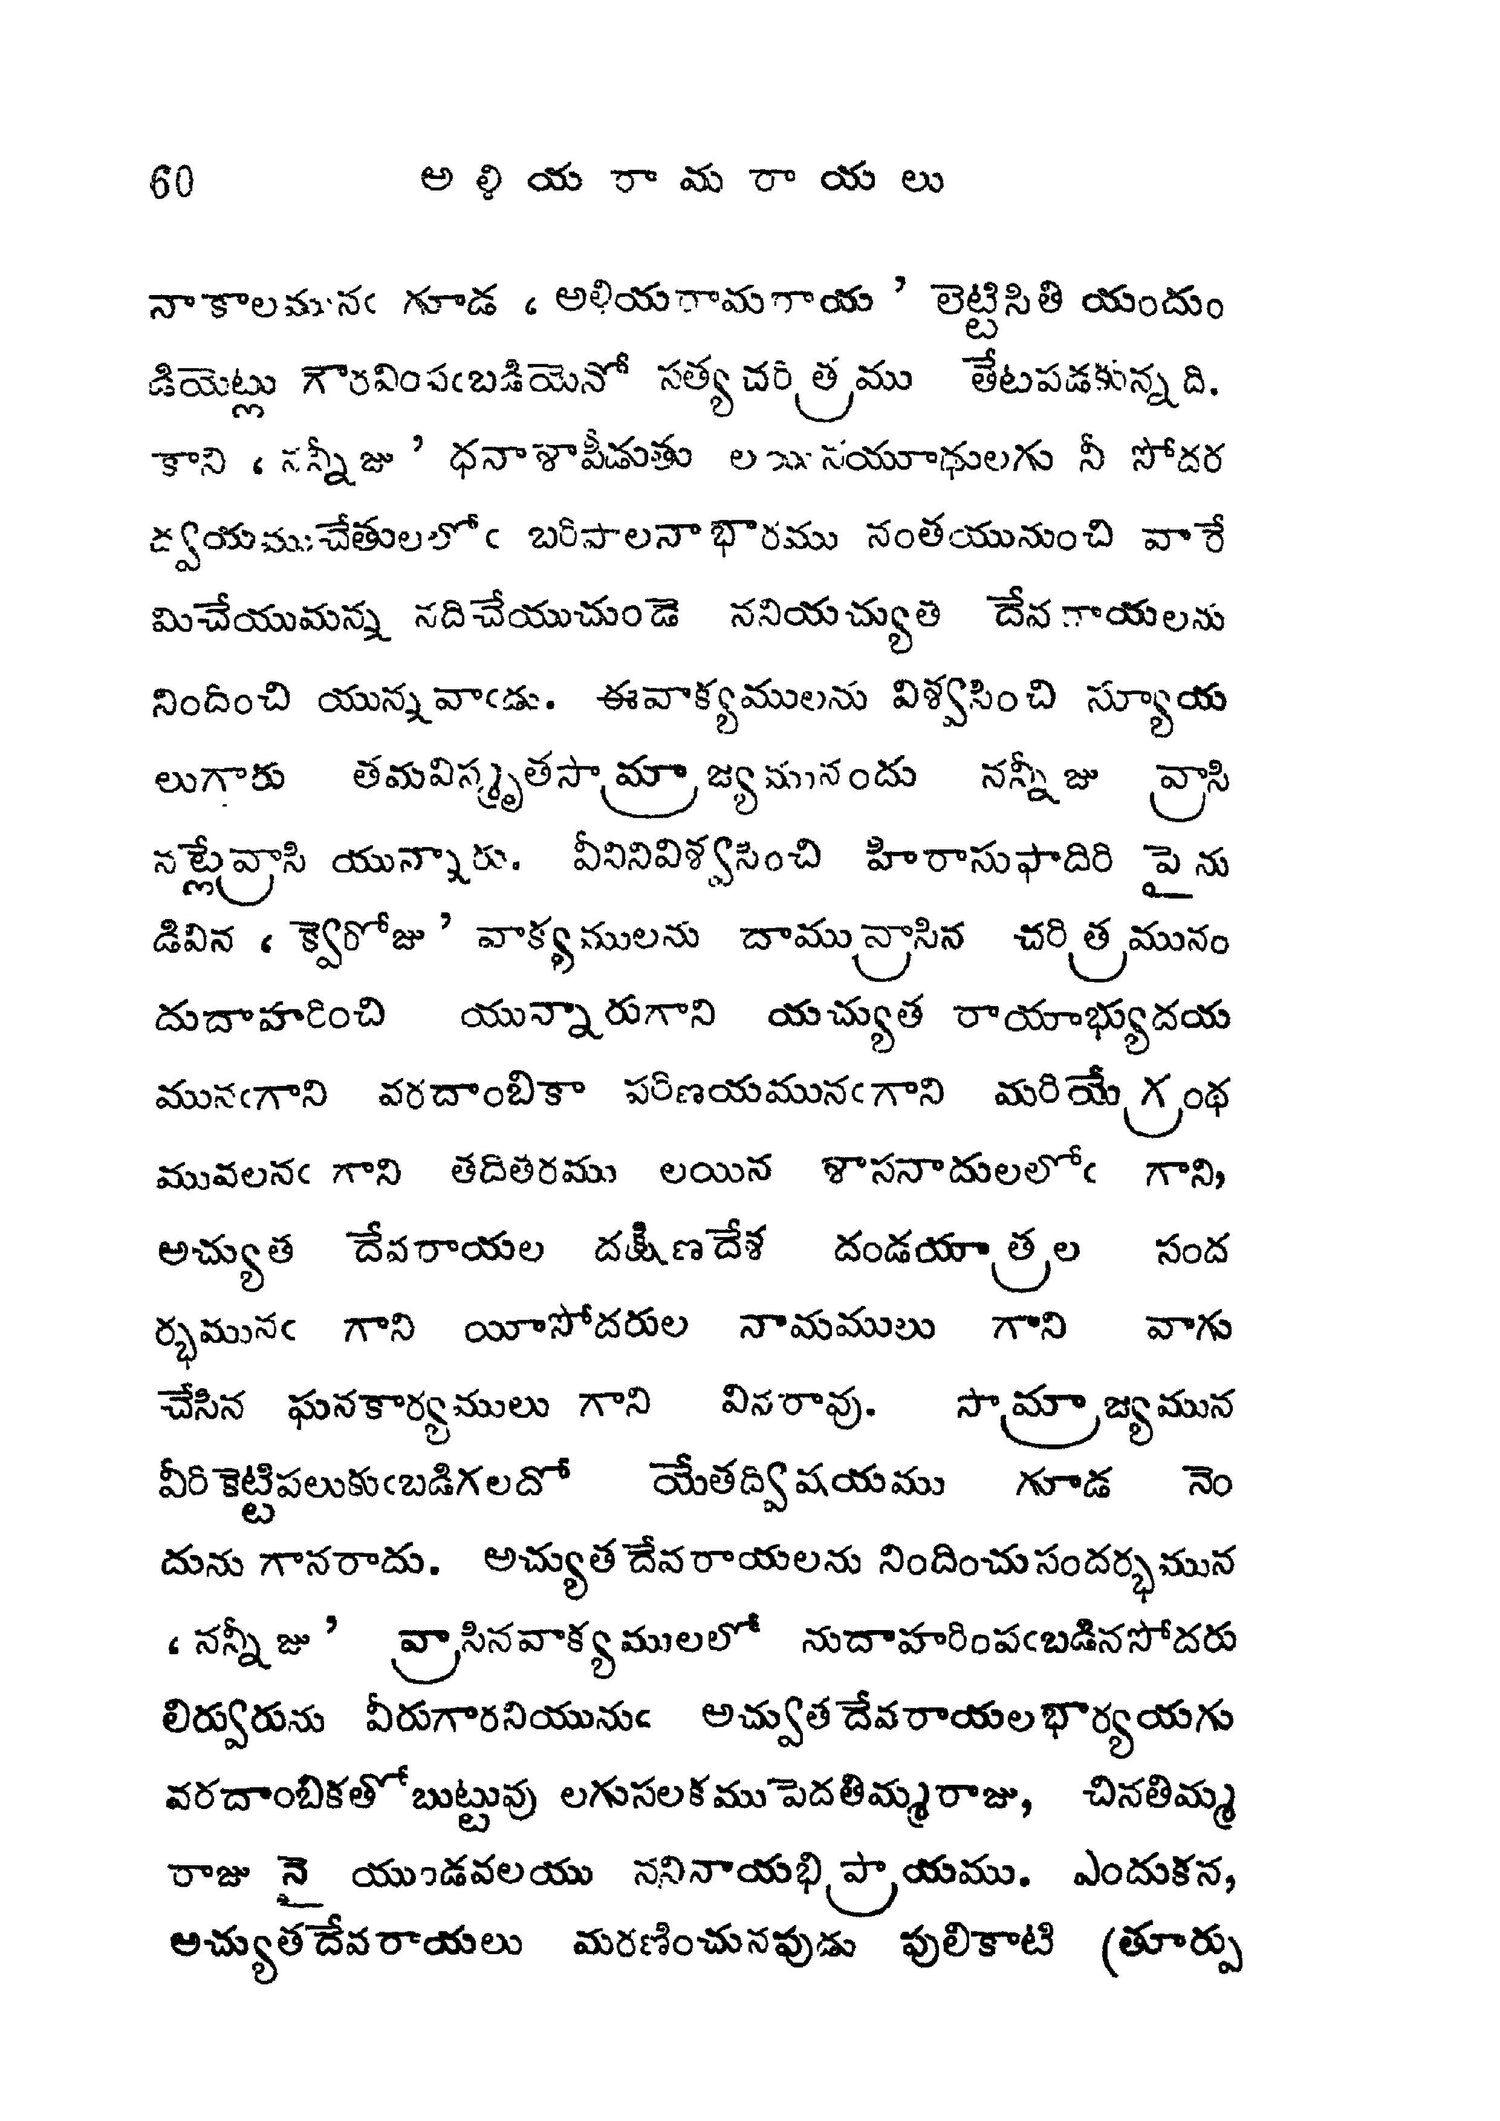నాకాలమున గూడ 'అళియరామరాయ' లెట్టిసితి యందుండియెట్లు గౌరవింపబడియెనో సత్యచరిత్రము తేటపడకున్నది. కాని 'నన్నీజు' ధనాశాపీడుతు లయినయూధులగు నీ సోదర ద్వయముచేతులలో బరిపాలనాభారము నంతయునుంచి వారేమిచేయుమన్న నదిచేయుచుండె ననియచ్యుత దేవరాయలను నిందించి యున్నవాడు. ఈవాక్యములను విశ్వసించి న్యూయలుగారు తమవిస్మృతసామ్రాజ్యమునందు నన్నీజు వ్రాసినట్లేవ్రాసి యున్నారు. వీనినివిశ్వసించి హిరానుఫాదిరి పైనుడివిన 'క్వెరోజు' వాక్యములను దామువ్రాసిన చరిత్రమునందుదాహరించి యున్నారుగాని యచ్యుత రాయాభ్యుదయమునగాని వరదాంబికా పరిణయమునగాని మరియేగ్రంథమువలన గాని తదితరము లయిన శాసనాదులలో గాని, అచ్యుత దేవరాయల దక్షిణదేశ దండయాత్రల సందర్భమున గాని యీసోదరుల నామములు గాని వాగు చేసిన ఘనకార్యములు గాని వినరావు. సామ్రాజ్యమున వీరికెట్టిపలుకుబడిగలదో యేతద్విషయము గూడ నెందును గానరాదు. అచ్యుతదేవరాయలను నిందించుసందర్భమున 'నన్నీజు' వ్రాసిన వాక్యములలో నుదాహరింపబడినసోదరు లిర్వురును వీరుగారనియును అచ్యుతదేవరాయల భార్యయగు వరదాంబికతోబుట్టువు లగు సలకము పెదతిమ్మరాజు, చినతిమ్మరాజు నై యుండవలయు ననినాయభిప్రాయము. ఎందుకన, అచ్యుతదేవరాయలు మరణించునపుడు పులికాటి (తూర్పు